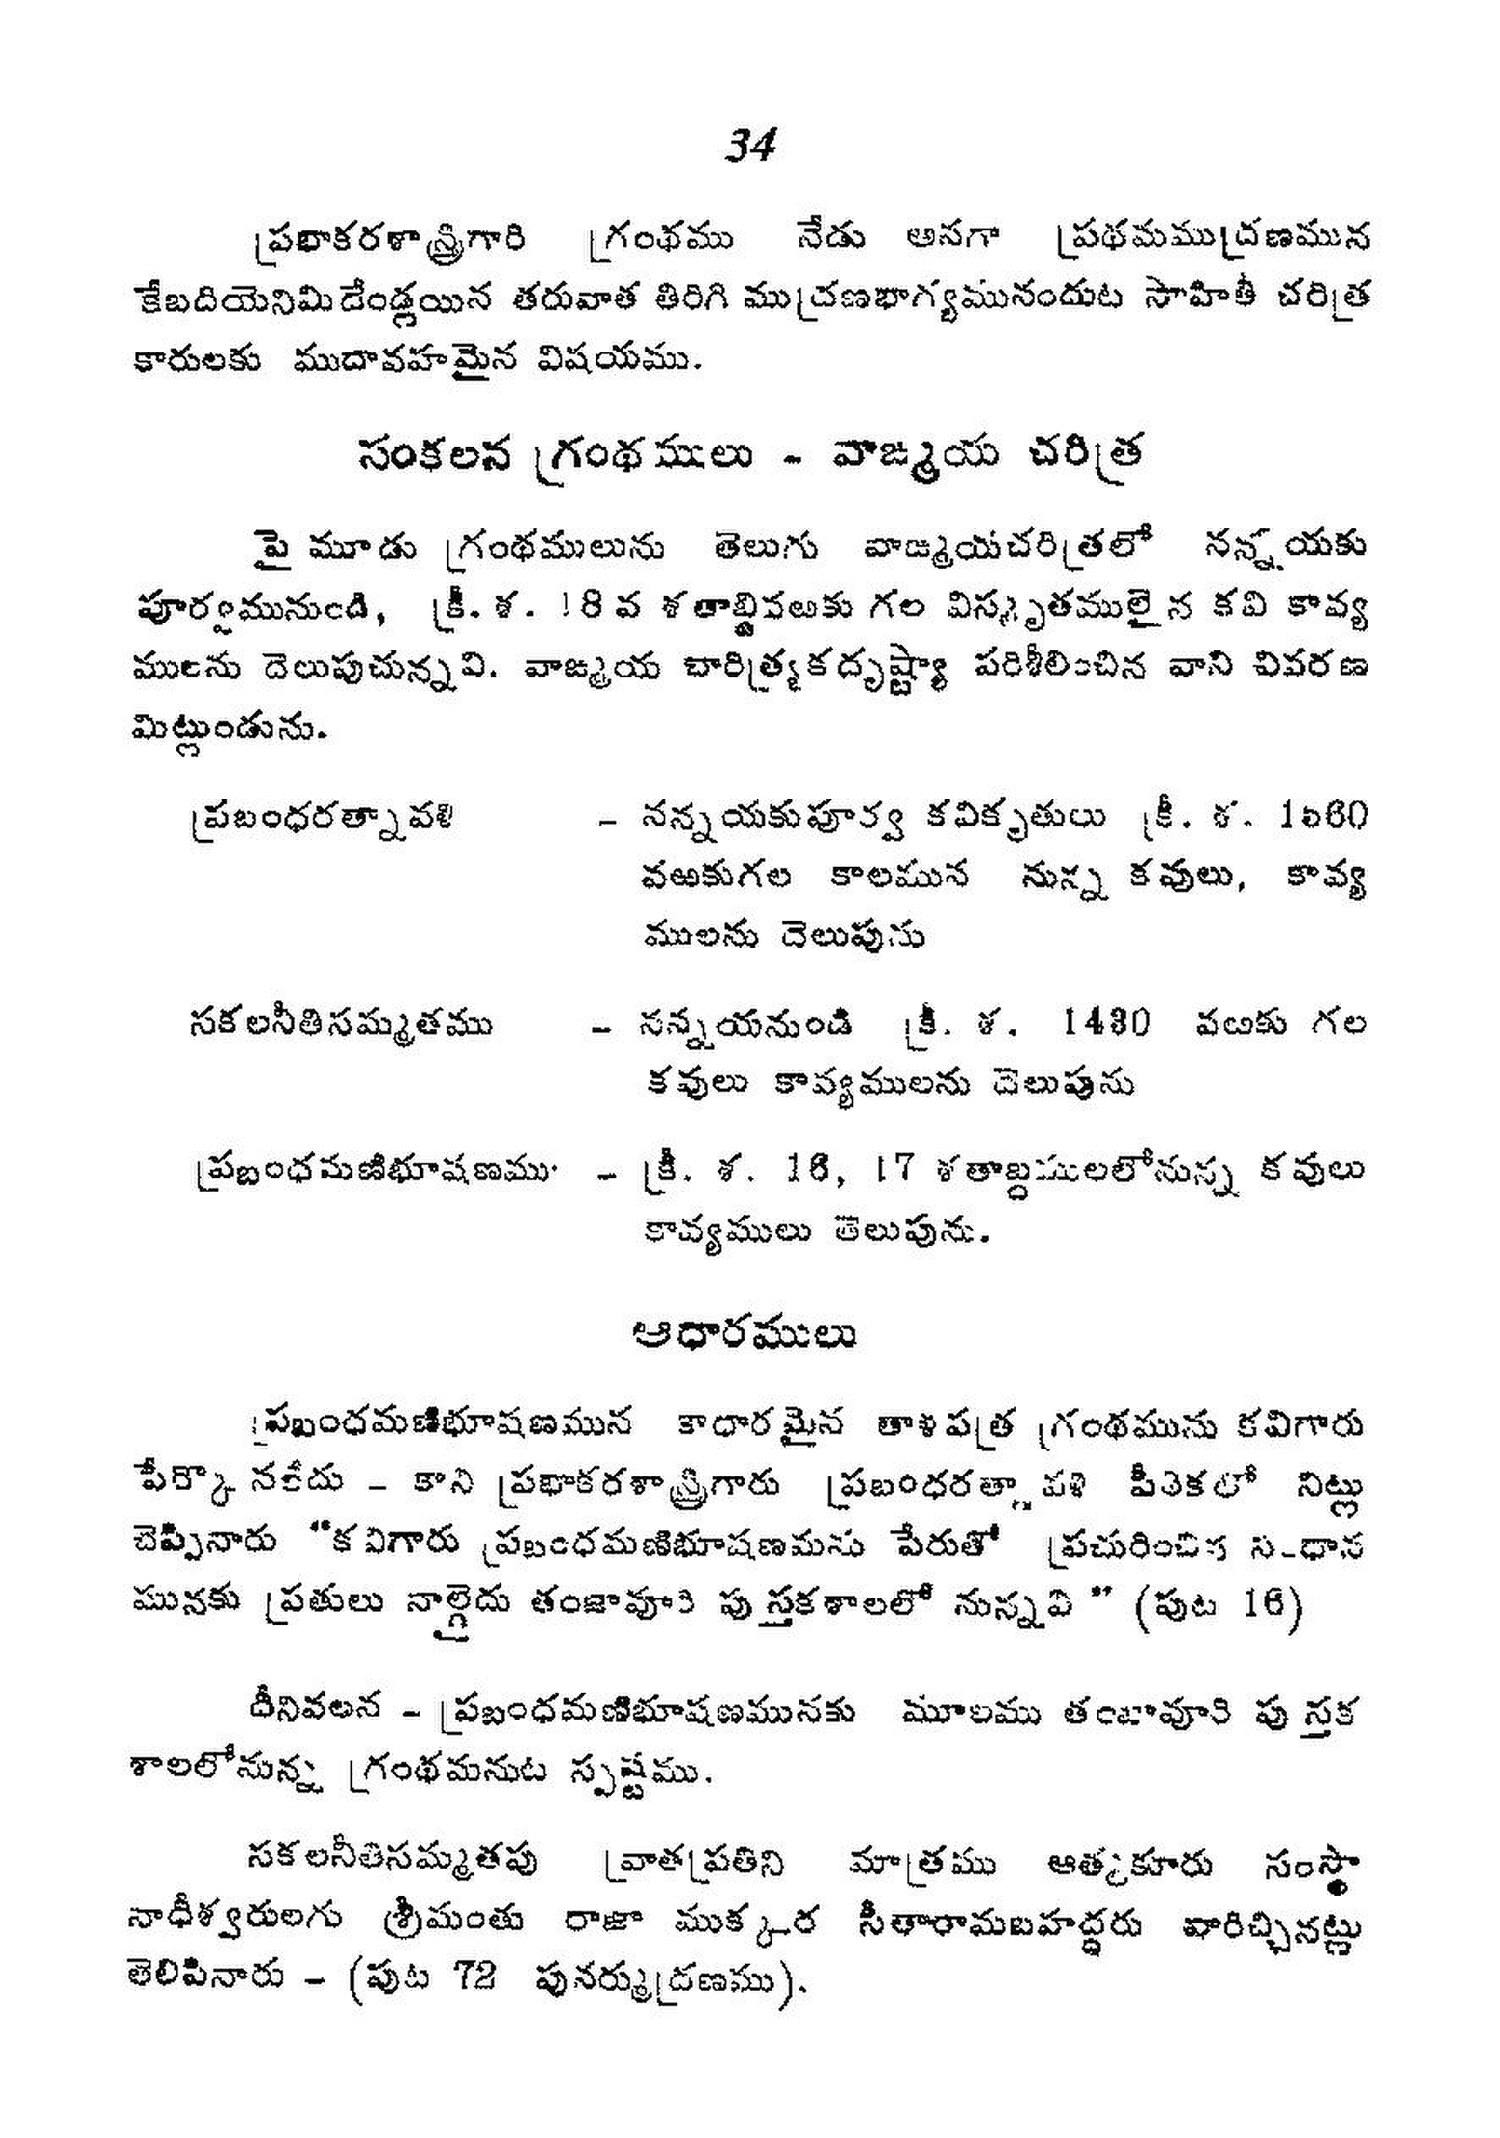ప్రభాకరశాస్త్రి గారి గ్రంథము నేడు అనగా ప్రథమముద్రణమున
కేబది యెనిమిదేండ్లయిన తరువాత తిరిగి ముద్రణ భాగ్యమునందుట సాహితీ చరిత్ర
కారులకు ముదావహమైన విషయము.

పై మూడు గ్రంథములుు తెలుగు వాజ్మయచరిత్రలో నన్నయకు
పూర్వమునుండి, క్రీ. శ. 18వ శతాబ్దినలుకు గల విస్మృతములైన కవి కావ్య
ములను దెలుపుచున్నవి. వాజ్మయ చారిత్రక దృష్ట్యా పరిశీలించిన వాని వివరణ
మిట్లుండును.

ప్రబంధరత్నావళి .......... నన్నయకు పూర్వ కవికృతులు క్రీ. శ. 1689
 వఱకుగల కాలమున నున్న కవులు, కావ్య
 ములను దెలుపును

సకలనీతి సమ్మతము........నన్నయనుండి క్రీ. శ. 1430 వరకు గల 
 కవులు కావ్యములను దెలుపును

ప్రబంధమణిభూషణము. క్రీ. శ. 18, 17 శతాబ్దములలోనున్న కవులు
 కావ్యములు తెలుపును.

--

ప్రబంధమణిభూషణమున కాధారమైన తాళపత్ర గ్రంథమును కవిగారు
పేర్కొ నలేదు - కాని ప్రభాకరశాస్త్రి గారు ప్రబంధరత్నావళి పీఠికలో నిట్లు
చెప్పినారు “కవిగారు ప్రబంధమణిభూషణమను పేరుతో ప్రచురించిన సంధాన
మునకు ప్రతులు నాల్లైదు తంజావూరి పుస్తకళాలలో నున్నవి " (పుట 18)

దీనివలన - ప్రబంధమణిభూషణమునకు మూలము తంజావూరి పుస్తక
శాలలోనున్న గ్రంథమనుట స్పష్టము.

సకలనీతి సమ్మతపు వ్రాతప్రతిని మాత్రము ఆత్మకూరు సంస్థ
నాధీశ్వరులగు శ్రీమంతు రాజా ముక్కర సీతారామ బహద్దరు వారిచ్చినట్లు
తెలిపినారు - (పుట 72 పునర్ముద్రణము).